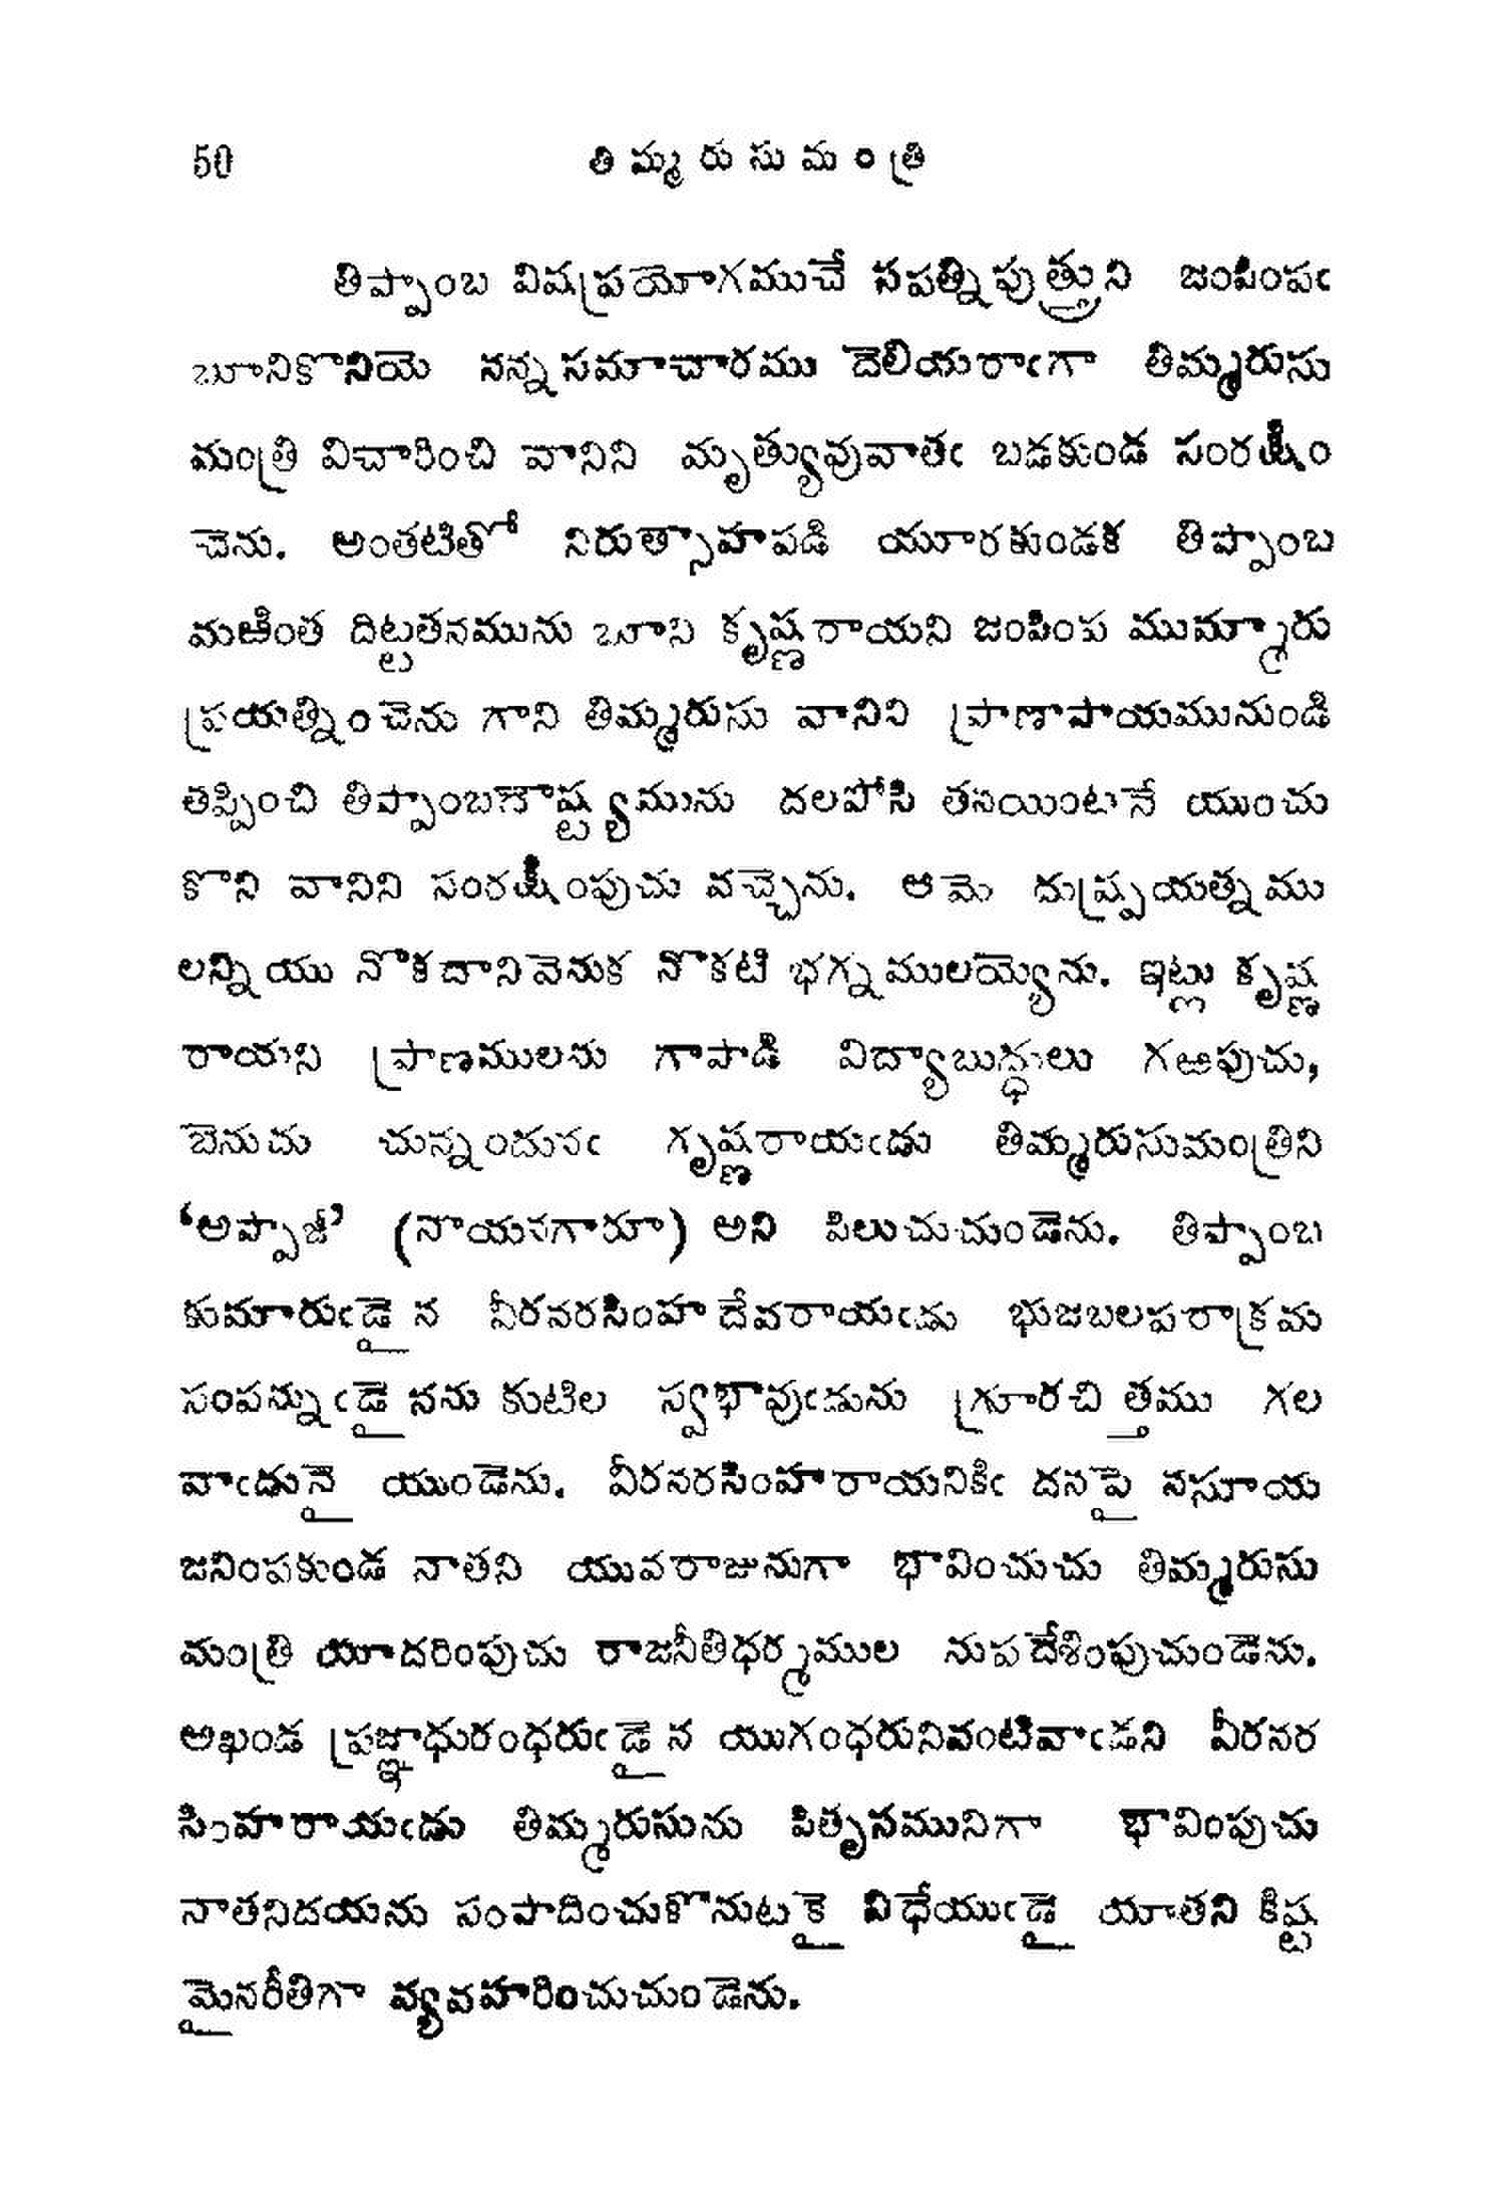తిప్పాంబ విషప్రయోగముచే సపత్ని పుత్త్రుని జంపింపఁ బూనికొనియె నన్నసమాచారము దెలియరాఁగా తిమ్మరుసు మంత్రి విచారించి వానిని మృత్యువువాతఁ బడకుండ సంరక్షించెను. అంతటితో నిరుత్సాహపడి యూరకుండక తిప్పాంబ మఱింత దిట్టతనమును బూని కృష్ణరాయని జంపింప ముమ్మారు ప్రయత్నించెను గాని తిమ్మరుసు వానిని ప్రాణాపాయమునుండి తప్పించి తిప్పాంబదౌష్ట్యమును దలపోసి తనయింటనే యుంచుకొని వానిని సంరక్షింపుచు వచ్చెను. ఆమె దుష్ప్రయత్నము లన్నియు నొకదానివెనుక నొకటి భగ్నములయ్యెను. ఇట్లు కృష్ణరాయని ప్రాణములను గాపాడి విద్యాబుద్ధులు గఱపుచు, బెనుచు చున్నందునఁ గృష్ణరాయఁడు తిమ్మరుసుమంత్రిని 'అప్పాజీ' (నాయనగారూ) అని పిలుచుచుండెను. తిప్పాంబ కుమారుఁడైన వీరనరసింహదేవరాయఁడు భుజబలపరాక్రమ సంపన్నుఁడైనను కుటిల స్వభావుఁడును గ్రూరచిత్తము గల వాఁడునై యుండెను. వీరనరసింహరాయనికిఁ దనపై ససూయ జనింపకుండ నాతని యువరాజునుగా భావించుచు తిమ్మరుసు మంత్రి యాదరింపుచు రాజనీతిధర్మముల నుపదేశింపుచుండెను. అఖండ ప్రజ్ఞాధురంధరుఁడైన యుగంధరుని వంటివాఁడని వీరనరసింహరాయఁడు తిమ్మరుసును పితృసమునిగా భావింపుచు నాతనిదయను సంపాదించుకొనుటకై విధేయుఁడై యాతని కిష్టమైనరీతిగా వ్యవహరించుచుండెను.